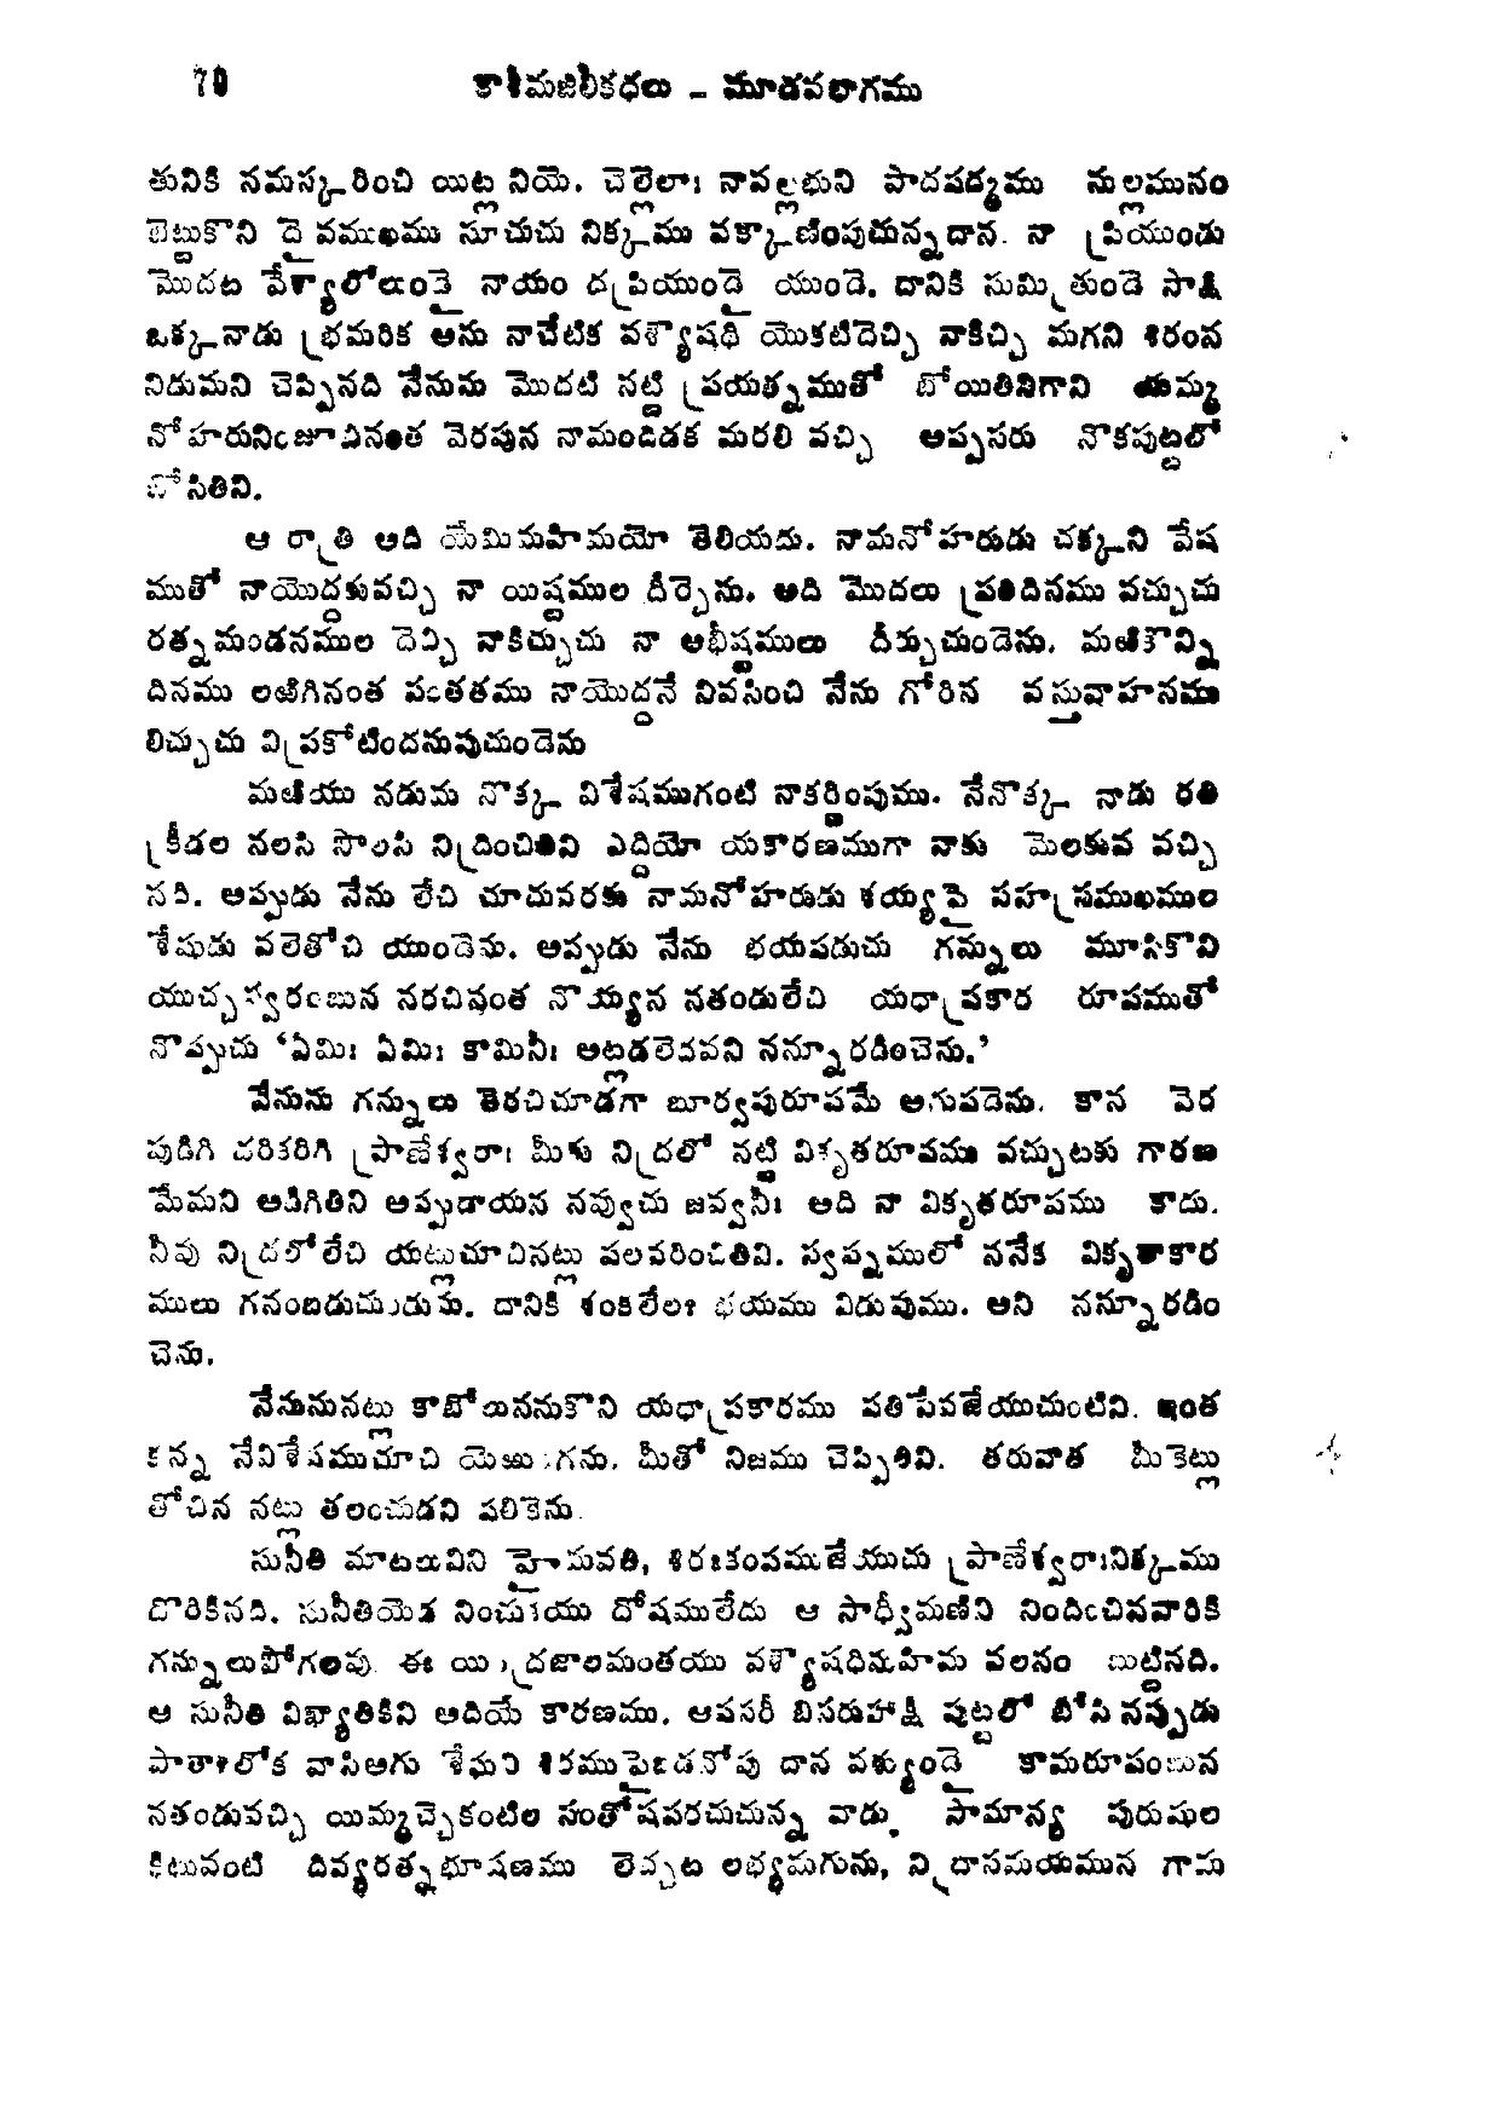తునికి నమస్కరించి యిట్లనియె. చెల్లెలా! నావల్లభుని పాదపద్మము నుల్లమునం బెట్టుకొని దైవముఖము సూచుచు నిక్కము వక్కాణింపుచున్నదాన. నా ప్రియుండు మొదట వేశ్యాలోలుండై నాయం దప్రియుండై యుండె. దానికి సుమిత్రుండె సాక్షి ఒక్కనాడు భ్రమరిక అను నాచేటిక వశ్యౌషధి యొకటి దెచ్చి నా కిచ్చి మగని శిరంబున నిడుమని చెప్పినది నేనును మొదటి నట్టి ప్రయత్నముతో బోయితినిగాని యమ్మనోహరునిం జూచినంత వెరపున నామం దిడక మరలి వచ్చి అప్పసరు నొకపుట్టలో
బోసితిని.

ఆ రాత్రి అది యేమిమహిమయో తెలియదు. నామనోహరుడు చక్కనివేషముతో నాయొద్దకు వచ్చి నా యిష్టముల దీర్చెను. అది మొదలు ప్రతిదినము వచ్చుచు రత్నమండనముల దెచ్చి నాకిచ్చుచు నా అభీష్టములు దీర్చుచుండెను. మఱికొన్ని దినము లఱిగినంత సంతతము నాయొద్దనే నివసించి నేను గోరిన వస్తువాహనము లిచ్చుచు విప్రకోటిం దనుపుచుండెను

మఱియు నడుమ నొక్కవిశేషము గంటి నాకర్ణింపుము. నే నొక్కనాడు రతిక్రీడల నలసి సొలసి నిద్రించితిని ఎద్దియో యకారణముగా నాకు మెలకువ వచ్చినది. అప్పుడు నేను లేచి చూచువరకు నామనోహరుడు శయ్యపై సహస్రముఖముల శేషుడువలె తోచి యుండెను. అప్పుడు నేను భయపడుచు గన్నులు మూసికొని యుచ్చస్వరంబున నరచినంత నొయ్యన నతండు లేచి యథాప్రకారరూపముతో నొప్పుచు “ఏమి! ఏమి! కామినీ! అట్లడలెదవని నన్నూరడించెను. '

నేనును గన్నులు తెరచిచూడగా బూర్వపురూపమే అగుపడెను. కాన వెర పుడిగి దరికరిగి ప్రాణేశ్వరా! మీకు నిద్రలో నట్టి వికృతరూవము వచ్చుటకు గారణ మేమని అడిగితిని అప్పు డాయన నవ్వుచు జవ్వనీ! అది నా వికృతరూపము కాదు. నీవు నిద్రలో లేచి యట్లు చూచినట్లు పలవరించితివి. స్వప్నములో ననేక వికృతాకారములు గనంబడుచుండును. దానికి శంకలేల? భయము విడువుము. అని నన్నూరడించెను.

నేనును నట్లు కాబోలు ననుకొని యధాప్రకారము పతిసేవజేయుచుంటిని. ఇంతకన్న నేవిశేషము చూచి యెఱుంగను. మీతో నిజము చెప్పితివి. తరువాత మీకెట్లు తోచిన నట్లు తలంచుడని పలికెను.

సునీతి మాటలు విని హైమవతి, శిరఃకంపముజేయుచు ప్రాణేశ్వరా! నిక్కము దొరికినది. సునీతియెడ నించుకయు దోషములేదు ఆ సాధ్వీమణిని నిందించినవారికి గన్నులుపోగలవు. ఈ యింద్రజాల మంతయు వశ్యౌషధిమహిమ వలనం బుట్టినది. ఆ సునీతి విఖ్యాతికిని అదియే కారణము. ఆపస రీబిసరుహాక్షి పుట్టలో బోసినప్పుడు పాతాళలోకవాసిఅగు శేషుని శిరముపై బడనోపు దాన వశ్యుండై కామరూపంబున నతండు వచ్చి యిమ్మచ్చెకంటిం సంతోషపరచుచున్నవాడు. సామాన్యపురుషుల కిటువంటి దివ్యరత్నభూషణము లెచ్చట లభ్యమగును, నిద్రాసమయమున గామ